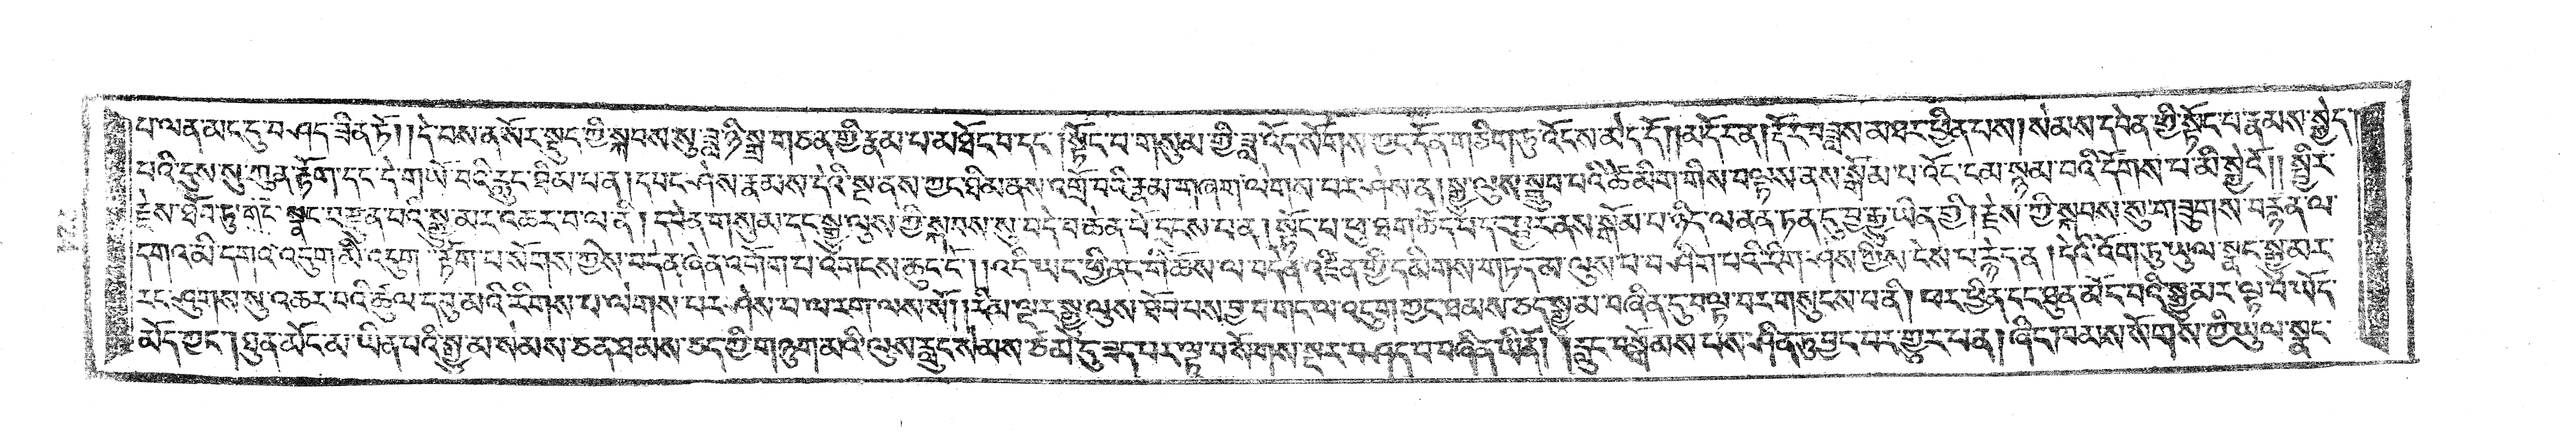པ་ལན་མང་དུ་བཤད་ཟིན་ཏོ། །དེ་བས་ན་སོར་སྡུད་ཀྱི་སྐབས་སུ་ཟླ་ཉི་སྒྲ་གཅན་གྱི་རྣམ་པ་མཐོང་པ་དང་། སྟོང་པ་གསུམ་གྱི་ཟླ་འོད་སོགས་ཀྱང་དོན་གཅིག་ཏུ་འོངས་མེད་དོ། །མདོར་ན། རྡོར་བཟླས་མཐར་ཕྱིན་པས། སེམས་དབེན་གྱི་སྟོང་པ་རྣམས་སྐྱེད་
པའི་དུས་སུ་ཀུན་རྟོག་དང་དེ་གཡོ་བའི་རླུང་ཐིམ་པ་ན། དབང་ཤེས་རྣམས་དེའི་སྔ་ནས་ཀྱང་ཐིམ་ནས་འགྲོ་བའི་རྣམ་གཞག་ལེགས་པར་ཤེས་ན། སྒྱུ་ལུས་སྒྲུབ་པའི་ཚེ་མིག་གིས་བལྟས་ནས་སྒོམ་པ་འོང་ངམ་སྙམ་པའི་དོགས་པ་མི་སྐྱེའོ། །སྤྱིར་
རྗེས་ཐོབ་ཏུ་གང་སྣར་བརྫུན་པའི་སྒྱུ་མར་འཆར་བ་ལ་ནི། དབེན་གསུམ་དང་སྒྱུ་ལུས་ཀྱི་སྐབས་སུ་བདེ་བ་ཆེན་པོ་དྲངས་པ་ན། སྟོང་པ་ཕུ་ཐག་ཆེད་པ་དང་སྦྱར་ནས་སྒོམ་པ་ཉིད་ལ་ནན་ཏན་དུ་བྱ་རྒྱུ་ཡིན་གྱི། རྗེས་ཀྱི་སྐབས་སུ་གཟུགས་བརྙན་ལ་
དགའ་མི་དགའ་འདུག་མི་འདུག་རྟོག་པ་སོགས་ཀྱིས་བདེན་ཞེན་འགོག་པ་འགངས་ཆུང་ངོ། །འདི་ཡང་ཕྱི་ནང་གི་ཆོས་ལ་བདེན་འཛིན་གྱི་དམིགས་གཏད་མ་ལུས་པ་བཤིག་པའི་རིག་ཤེས་ཀྱིས་ངེས་པ་རྙེད་ན། དེའི་འོག་ཏུ་ཡུལ་སྣང་སྒྱུ་མར་
རང་ཤུགས་སུ་འཆར་པའི་ཚུལ་དབུ་མའི་རིགས་པ་ལེགས་པར་ཤེས་པ་ལ་རག་ལས་སོ། །རིམ་ལྔར་སྒྱུ་ལུས་ཐོབ་པས་བྱ་བ་གང་ལ་འཇུག་ཀྱང་ཐམས་ཅད་སྒྱུ་མ་བཞིན་དུ་བལྟ་བར་གསུངས་པ་ནི། ཕར་ཕྱིན་དང་ཐུན་མོང་བའི་སྒྱུ་མར་ལྟ་བ་ཡོད་
མོད་ཀྱང་། ཐུན་མོང་མ་ཡིན་པའི་སྒྱུ་མ་སེམས་ཅན་ཐམས་ཅད་ཀྱི་གཉུག་མའི་ལུས་རླུང་སེམས་ཙམ་དུ་ཟད་པར་ལྟ་བ་སོགས་སྔར་བཤད་པ་བཞིན་ཡིན་ནོ། །རླུང་བསྒོམས་པས་ཤིན་ཏུ་བྱང་བར་གྱུར་པ་ན། ཞིང་ཁམས་སོགས་ཀྱི་ཡུལ་སྣང་